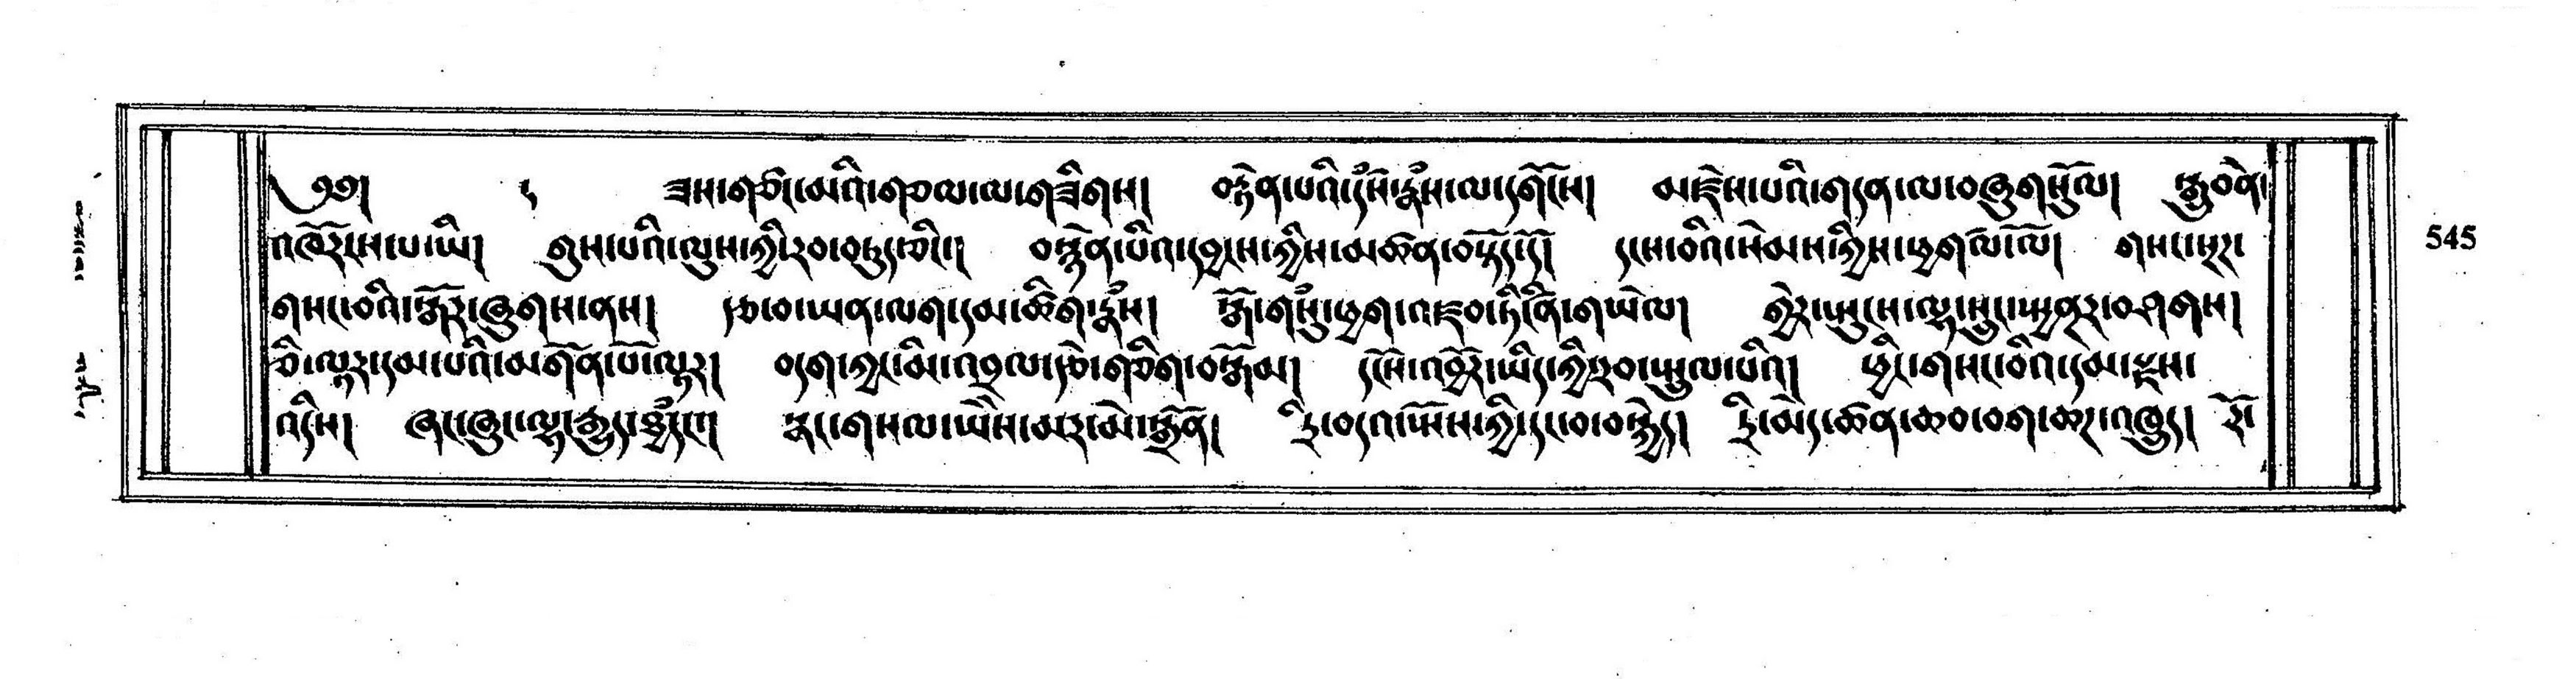ཟས་གཙང་མའི་གཅལ་ལ་གཟིགས། བརྟེན་པའི་དམ་རྫས་རྣམས་ལ་དགོངས། མཛེས་པའི་གདན་ལ་བཞུགས་སུ་གསོལ། སྒྲུབ་གཤེན་
འཁོར་དང་བཅས་པ་ཡི། གུས་པའི་ལུས་ཀྱི་རབ་བཏུད་ཅིང་། སྙན་པའི་དབྱངས་ཀྱིས་མཚན་བསྟོད་དོ། དངས་བའི་སེམས་ཀྱིས་ཕྱག་འཚལ་ལོ། གསང་སྔགས་
གསང་བའི་སྒོར་ཞུགས་ནས། རྩ་བ་ཡན་ལག་དམ་ཚིག་རྣམས། སྒོ་གསུམ་ཕྱག་འཛབ་ཏིང་འཛིན་གཡེལ། གྱེར་སྤུངས་ལྷ་སྲུང་སྤྱན་སྔར་བཤགས། 
ཅི་ལྟར་དམ་པའི་མགོན་པོ་ལྟར། བདག་ཀྱང་མི་འབྲལ་རྩེ་གཅིག་བསྒོམ། དངོས་འབྱོར་ཡིད་ཀྱི་རབ་སྤྲུལ་པའི། ཕྱི་ནང་གསང་བའི་དམ་རྫས་
འདིས། ཞང་ཞུང་ལྷ་རྒྱུད་ཐུགས་དམ་བསྐང་། སྣང་གསལ་ཡེ་ཤེས་མར་མེ་སྒྲོན། དྲི་བདའ་སྤོས་ཀྱི་དང་བ་བསྐྱེད། དྲི་མེད་ཚན་ཆབ་བག་ཆགས་འཁྲུད། རོ་